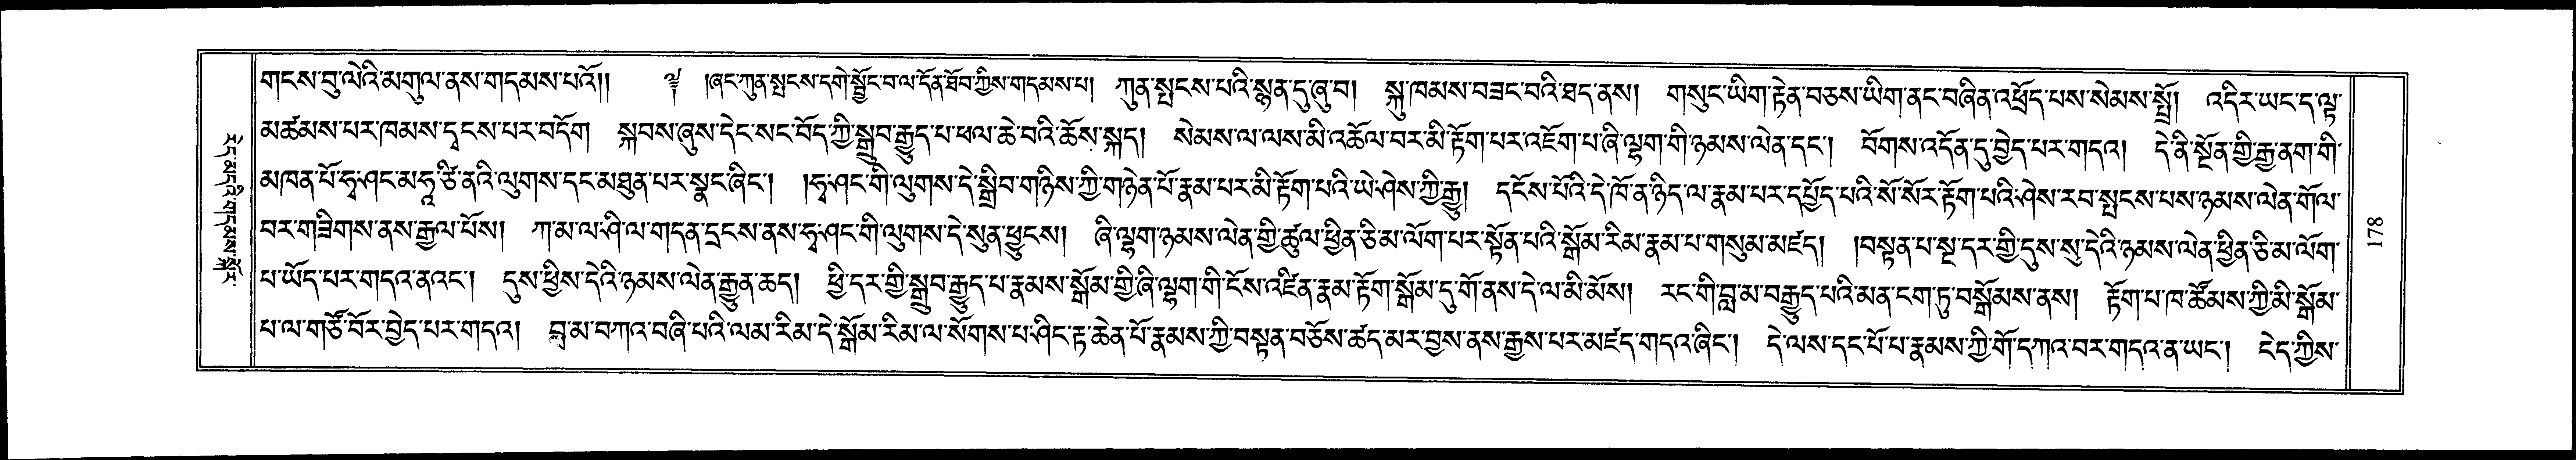གངས་བུ་ལེའི་མགུལ་ནས་གདམས་པའོ།། ༈ །ཞང་ཀུན་སྤངས་དགེ་སྦྱོང་བ་ལ་དོན་ཐོབ་ཀྱིས་གདམས་པ། ཀུན་སྤངས་པའི་སྙན་དུ་ཞུ་བ། སྐུ་ཁམས་བཟང་བའི་ཐད་ནས། གསུང་ཡིག་རྟེན་བཅས་ཡིག་ནང་བཞིན་འཕྲོད་པས་སེམས་སྤྲོ། འདིར་ཡང་ད་ལྟ་
མཚམས་པར་ཁམས་དྭངས་པར་བདོག་སྐབས་ཞུས་དེང་སང་བོད་ཀྱི་སྒྲུབ་རྒྱུད་པ་ཕལ་ཆེ་བའི་ཆོས་སྐད། སེམས་ལ་ལས་མི་འཆོལ་བར་མི་རྟོག་པར་འཇོག་པ་ཞི་ལྷག་གི་ཉམས་ལེན་དང་། བོགས་འདོན་དུ་བྱེད་པར་གདའ་།དེ་ནི་སྔོན་གྱི་རྱ་ནག་གི་
མཁན་པོ་ཧྭ་ཤང་མྷཱ་ཙི་ནའི་ལུགས་དང་མཐུན་པར་སྣང་ཞིང་། །ཧྭ་ཤང་གི་ལུགས་དེ་སྒྲིབ་གཉིས་ཀྱི་གཉེན་པོ་རྣམ་པར་མི་རྟོག་པའི་ཡེ་ཤེས་ཀྱི་རྒྱུ། །དངོས་པོའི་དེ་ཁོ་ན་ཉིད་ལ་རྣམ་པར་དཔྱོད་པའི་སོ་སོར་རྟོག་པའི་ཤེས་རབ་སྤངས་པས་ཉམས་ལེན་གོལ་
བར་གཟིགས་ནས་རྒྱལ་པོས། ཀ་མ་ལ་ཤི་ལ་གདན་དྲངས་ནས་ཧྭ་ཤང་གི་ལུགས་དེ་སུན་ཕྱུངས། ཞི་ལྷག་ཉམས་ལེན་གྱི་ཚུལ་ཕྱིན་ཅི་མ་ལོག་པར་སྟོན་པའི་སྒོམ་རིམ་རྣམ་པ་གསུམ་མཛད། །བསྟན་པ་སྔ་དར་གྱི་དུས་སུ་དེའི་ཉམས་ལེན་ཕྱིན་ཅི་མ་ལོག་
པ་ཡོད་པར་གདའ་ནའང་། དུས་ཕྱིས་དེའི་ཉམས་ལེན་རྒྱུན་ཆད། ཕྱི་དར་གྱི་སྒྲུབ་རྒྱུད་པ་རྣམས་སྒོམ་གྱི་ཞི་ལྷག་གི་ངོས་འཛིན་རྣམ་རྟོག་སྒོམ་དུ་གོ་ནས་དེ་ལ་མི་མོས། རང་གི་བླ་མ་བརྒྱུད་པའི་མན་ངག་ཏུ་བསྒོམས་ནས། རྟོག་པ་ཁ་ཚོམས་ཀྱི་མི་སྒོམ་
པ་ལ་གཙོ་བོར་བྱེད་པར་གདའ། བླ་མ་བཀའ་བཞི་པའི་ལམ་རིམ་དེ་སྒོམ་རིམ་ལ་སོགས་པ་ཤིང་རྟ་ཆེན་པོ་རྣམས་ཀྱི་བསྟན་བཅོས་ཚད་མར་བྱས་ནས་རྒྱས་པར་མཛད་གདའ་ཞིང་། དེ་ལས་དང་པོ་པ་རྣམས་ཀྱི་གོ་དཀའ་བར་གདའ་ན་ཡང་། ངེད་ཀྱིས་